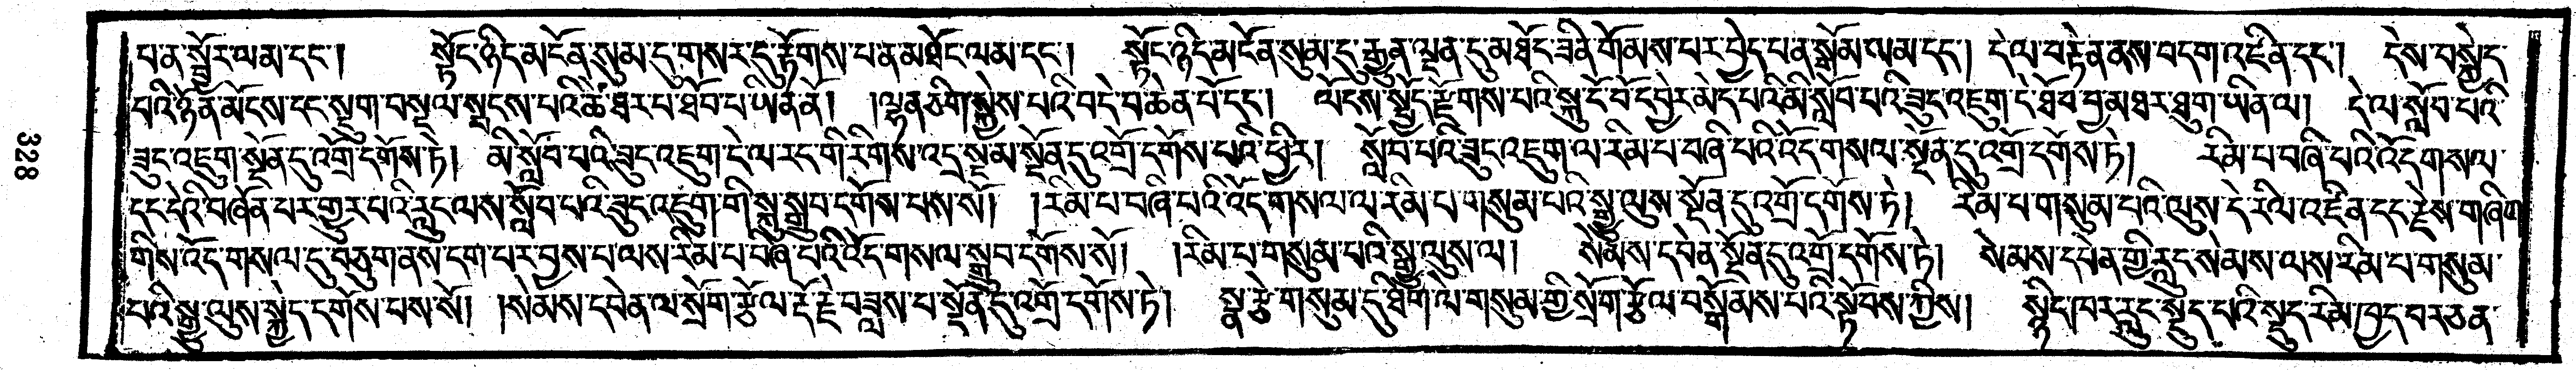པ་ན་སྦྱོར་ལམ་དང་། སྟོང་ཉིད་མངོན་སུམ་དུ་གསར་དུ་རྟོགས་པ་ན་མཐོང་ལམ་དང་། སྟོང་ཉིད་མངོན་སུམ་དུ་རྒྱུན་ལྡན་དུ་མཐོང་ཟིན་གོམས་པར་བྱེད་པ་ན་སྒོམ་ལམ་དང་། དེ་ལ་བརྟེན་ནས་བདག་འཛིན་དང་། དེས་བསྐྱེད་
པའི་ཉོན་མོངས་དང་སྡུག་བསྔལ་སྤངས་པའི་ཚེ་ཐར་པ་ཐོབ་པ་ཡིན་ནོ། །ལྷན་ཅིག་སྐྱེས་པའི་བདེ་བ་ཆེན་པོ་དང་། ལོངས་སྤྱོད་རྫོགས་པའི་སྐུ་ངོ་བོ་དབྱེར་མེད་པའི་མི་སློབ་པའི་ཟུང་འཇུག་དེ་ཐོབ་བྱ་མཐར་ཐུག་ཡིན་ལ། དེ་ལ་སློབ་པའི་
ཟུང་འཇུག་སྔོན་དུ་འགྲོ་དགོས་ཏེ། མི་སློབ་པའི་ཟུང་འཇུག་དེ་ལ་རང་གི་རིགས་འདྲ་སྔ་མ་སྔོན་དུ་འགྲོ་དགོས་པའི་ཕྱིར། སློབ་པའི་ཟུང་འཇུག་ལ་རིམ་པ་བཞི་པའི་འོད་གསལ་སྔོན་དུ་འགྲོ་དགོས་ཏེ། རིམ་པ་བཞི་པའི་འོད་གསལ་
དང་དེའི་བཞོན་པར་གྱུར་པའི་རླུང་ལས་སློབ་པའི་ཟུང་འཇུག་གི་སྐུ་སྒྲུབ་དགོས་པས་སོ། །རིམ་པ་བཞི་པའི་འོད་གསལ་ལ་རིམ་པ་གསུམ་པའི་སྒྱུ་ལུས་སྔོན་དུ་འགྲོ་དགོས་ཏེ། རིམ་པ་གསུམ་པའི་ལུས་དེ་རིལ་འཛིན་དང་རྗེས་གཞིག་
གིས་འོད་གསལ་དུ་བཅུག་ནས་དག་པར་བྱས་པ་ལས་རིམ་པ་བཞི་པའི་འོད་གསལ་སྒྲུབ་དགོས་སོ། །རིམ་པ་གསུམ་པའི་སྒྱུ་ལུས་ལ། སེམས་དབེན་སྔོན་དུ་འགྲོ་དགོས་ཏེ། སེམས་དཔེན་གྱི་རླུང་སེམས་ལས་རིམ་པ་གསུམ་
པའི་སྒྱུ་ལུས་སྐྱེད་དགོས་པས་སོ། །སེམས་དབེན་ལ་སྲོག་རྩོལ་རྡོ་རྗེ་བཟླས་པ་སྔོན་དུ་འགྲོ་དགོས་ཏེ། སྣ་རྩེ་གསུམ་དུ་ཐིག་ལེ་གསུམ་གྱི་སྲོག་རྩོལ་བསྒོམས་པའི་སྟོབས་ཀྱིས། སྙིང་ཁར་རླུང་སྡུད་པའི་སྡུད་རིམ་ཁྱད་བར་ཅན་